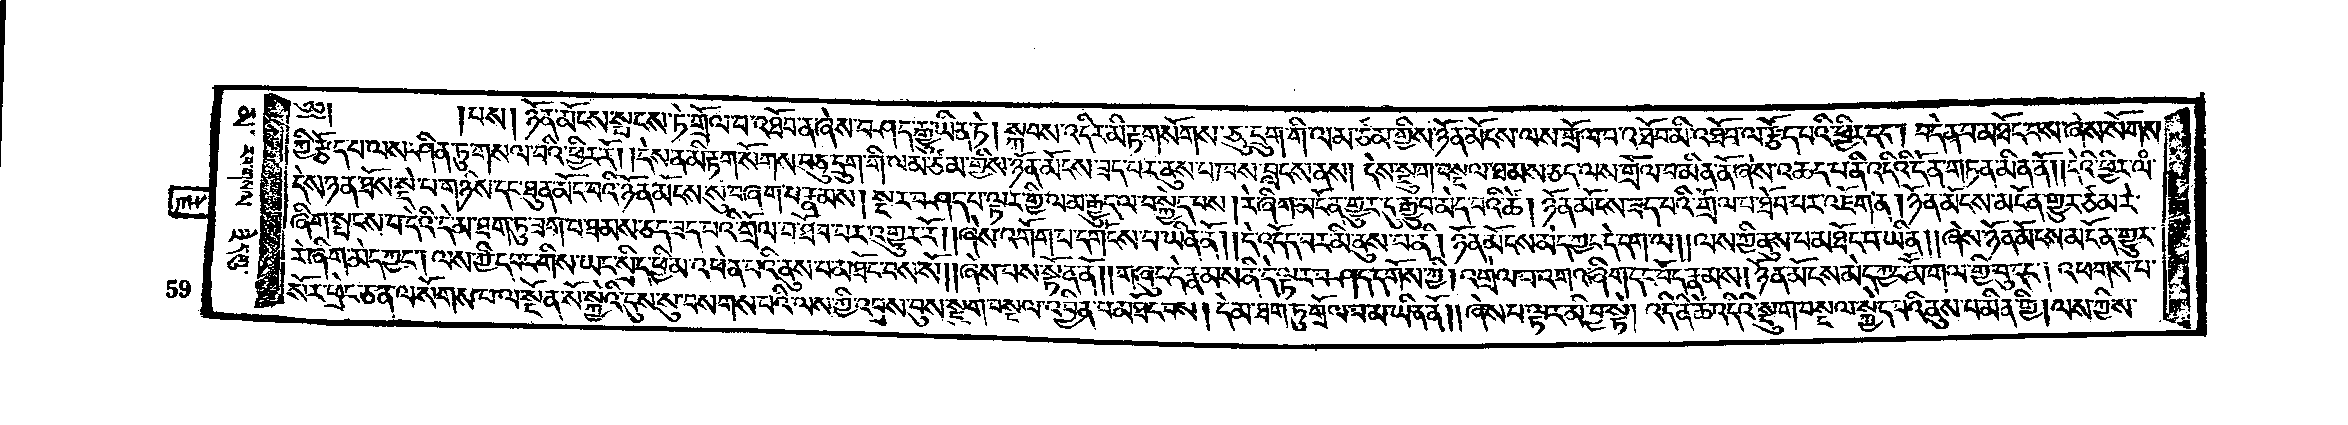༄༅། །པས། ཉོན་མོངས་སྤངས་ཏེ་གྲོལ་བ་འཐོབ་ན་ཞེས་བཤད་རྒྱུ་ཡིན་ཏེ། སྐབས་འདིར་མི་རྟག་སོགས་ཅུ་དྲུག་གི་ལམ་ཙམ་གྱིས་ཉོན་མོངས་ལས་གྲོལ་བ་འཐོབ་མི་འཐོབ་ལ་རྩོད་པའི་ཕྱིར་དང་། བདེན་པ་མཐོང་བས་ཞེས་སོགས་
ཀྱི་རྩོད་པ་ལས་ཤིན་ཏུ་གསལ་བའི་ཕྱིར་རོ། །དེས་ན་མི་རྟག་སོགས་བཅུ་དྲུག་གི་ལམ་ཙམ་གྱིས་ཉོན་མོངས་ཟད་པར་ནུས་པ་ཁས་བླངས་ནས། དེས་སྡུག་བསྔལ་ཐམས་ཅད་ལས་གྲོལ་བ་མིན་ནོ་ཞེས་འཆད་པ་ནི་འདིའི་དོན་གཏན་མིན་ནོ། །དེའི་ཕྱིར་ལམ་
དེས་ཉན་ཐོས་སྡེ་པ་གཉིས་དང་ཐུན་མོང་བའི་ཉོན་མོངས་སུ་བཞག་པ་རྣམས། སྔར་བཤད་པ་ལྟར་གྱི་ལམ་རྒྱུད་ལ་བསྐྱེད་པས། རེ་ཞིག་མངོན་གྱུར་དུ་རྒྱུ་བ་མེད་པའི་ཚེ། ཉོན་མོངས་ཟད་པའི་གྲོལ་པ་ཐོབ་པར་འཇོག་ན། ཉོན་མོངས་མངོན་གྱུར་ཙམ་རེ་
ཞིག་སྤངས་པ་དེའི་དེ་མ་ཐག་ཏུ་ཟག་པ་ཐམས་ཅད་ཟད་པའི་གྲོལ་བ་ཐོབ་པར་འགྱུར་རོ། །ཞེས་འགོག་པ་དགོངས་པ་ཡིན་ནོ། །དེ་འདོད་བར་མི་ནུས་པ་ནི། ཉོན་མོངས་མེད་ཀྱང་དེ་དག་ལ། །ལས་ཀྱི་ནུས་པ་མཐོང་བ་ཡིན། །ཞེས་ཉོན་མོངས་མངོན་གྱུར་
རེ་ཞིག་མེད་ཀྱང་། ལས་ཀྱི་དབང་གིས་ཡང་སྲིད་ཕྱི་མ་འཕེན་པའི་ནུས་པ་མཐོང་བས་སོ། །ཞེས་པས་སྟོན་ནོ། །གཞུང་དེ་རྣམས་ནི་དེ་ལྟར་བཤད་དགོས་ཀྱི། འགྲེལ་བ་འགའ་ཞིག་དང་བོད་རྣམས། ཉོན་མོངས་མེད་ཀྱང་མཽ་གལ་གྱི་བུ་དང་། འཕགས་པ་
སོར་ཕྲེང་ཅན་ལ་སོགས་པ་ལ་སྔོན་སོ་སྐྱེའི་དུས་སུ་བསགས་པའི་ལས་ཀྱི་འབྲས་བུས་སྡུག་བསྔལ་འབྱིན་པ་མཐོང་བས། དེ་མ་ཐག་ཏུ་གྲོལ་བ་མ་ཡིན་ནོ། །ཞེས་པ་ལྟར་མི་བྱ་སྟེ། འདི་ནི་ཚེ་འདིའི་སྡུག་བསྔལ་སྐྱེད་པའི་ནུས་པ་མིན་གྱི། ལས་ཀྱིས་